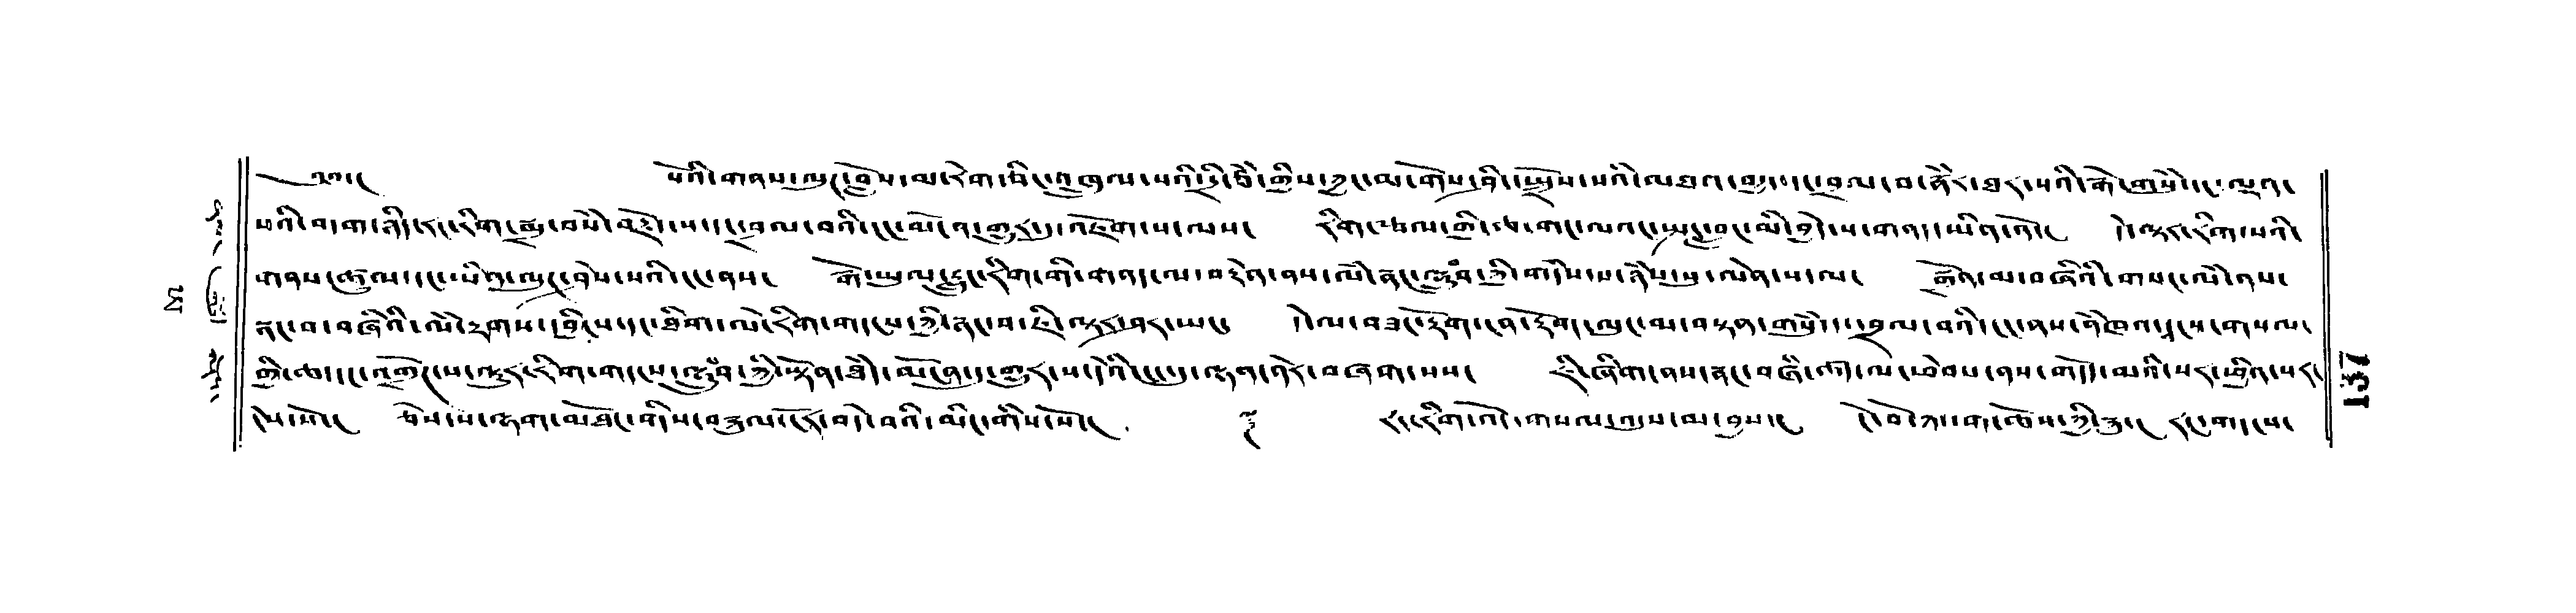པོའི་གནས་ལུགས་བློས་མ་རེག་ཅིང་འཁྲུལ་པའི་དྲི་ཙམ་གྱིས་ཀྱང་མ་གོས་ཤིང་སྤྲོས་པའི་མཐའ་བརྒྱད་དང་བྲལ་བ་རྣམ་པར་ཐར་པའི་སྒོ་གསུམ་དང་ལྡན་
པའི་བདག་ཉིད་རང་རིག་སྨྲ་བསམ་བརྗོད་པ་དང་བྲལ་བའི་ངང་མངོན་གྱུར་དུ་འཇོག་པ་ལས། རིག་རྩལ་གྱི་ཆ་གང་ལའང་སྤང་བླང་མི་བྱེད་པ་གནད་ཡིན་ནོ། དེ་ལྟར་རིག་པའི་
གནས་ཚུལ་དང་ཡིན་ལུགས་ཤེས་པའི་ངང་ནས། སྒོ་ཡུལ་རླུང་རིག་གི་གནད་ལ་བརྟེན་ནས་ལམ་སྣང་ལྷུན་གྲུབ་ཀྱི་གདམས་པ་ཉམས་སུ་ལེན་པ་ལ། སྒྲོན་མ་བཞིའི་གསང་ལམ་ནས་
སྣང་བ་བཞིའི་ལམ་རྟགས་དབྱིངས་དང་ཐིག་ལེ་རིག་གདངས་ཀྱི་སྣང་བ་ཇི་ལྟར་ཤར་ཡང་། དེ་ལ་བཟང་རྟོག་ངན་རྟོག་ལུང་མ་བསྟན་གསུམ་དང་བྲལ་བའི་ངང་ནས་ནམ་མཁའ་དྭངས་གསལ་
གྱི་ཆ་དང་འགྲོགས་པ་ལྟ་བུར་རིག་གདངས་ལྷུན་གྲུབ་ཀྱི་ཡོན་ཏན་ཐམས་ཅད་མངོན་དུ་གྱུར་པ་དེའི་ངང་དུ་ལྷན་ནེར་བཞག་པས། ཇི་ཞིག་ནས་སྣང་བཞི་ཚད་ལ་ཕེབས་ནས་གདོད་མའི་སར་ཕྱིན་པར་
ངེས་སོ།། ཅེས་པ་ལྷག་མཐོང་གིས་བསྐུལ་ངོར་བདེ་བའི་མིང་གིས་སོ།། ༈ རང་རིག་འོད་གསལ་འདུས་མ་བྱས། །ངོ་བོ་ཀ་དག་ཆོས་ཀྱི་སྐུ། །རང་གདངས་